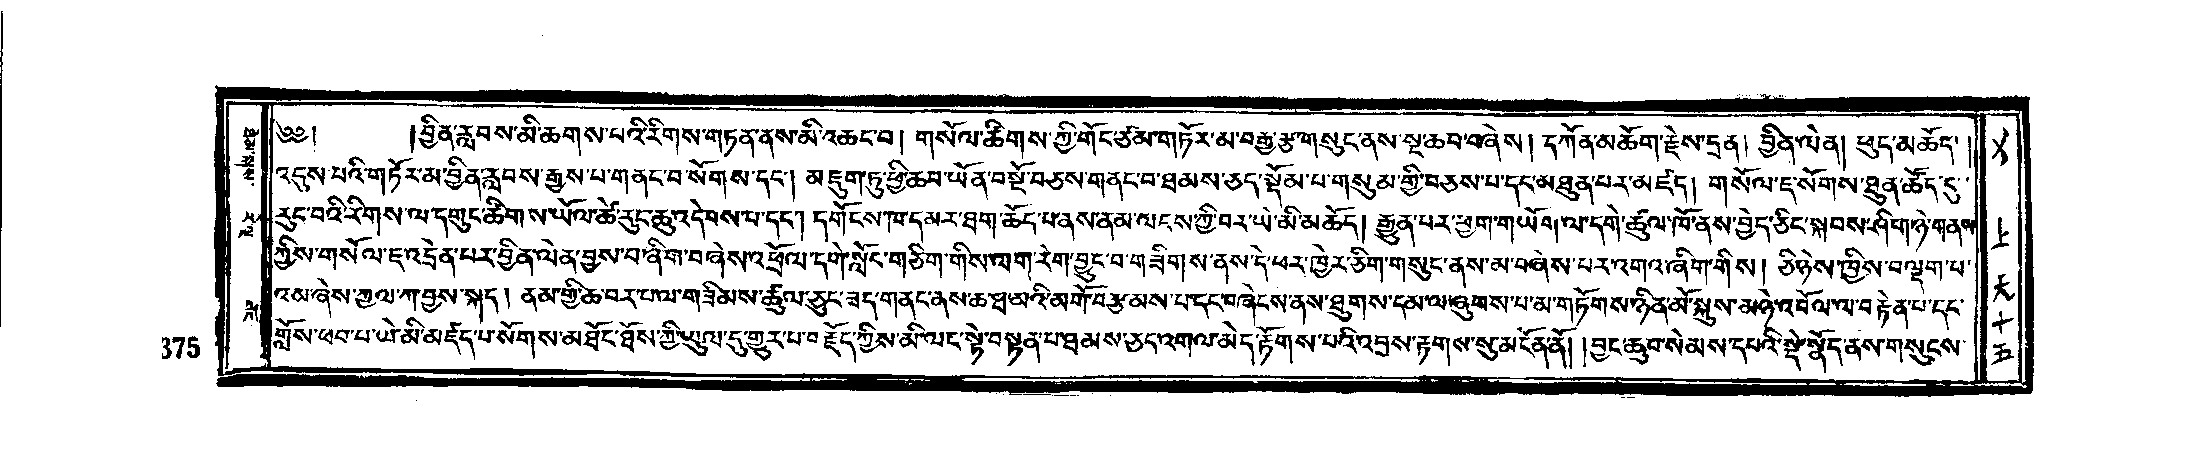༄༅། །བྱིན་རླབས་མི་ཆགས་པའི་རིགས་གཏན་ནས་མི་འཆང་བ། གསོལ་ཚིགས་ཀྱི་གོང་ཙམ་གཏོར་མ་བརྒྱ་རྩ་གསུང་ནས་སྔ་ཆབ་བཞེས། དཀོན་མཆོག་རྗེས་དྲན། བྱིན་ལེན། ཕུད་མཆོད་།
འདུས་པའི་གཏོར་མ་བྱིན་རླབས་རྒྱས་པ་གནང་བ་སོགས་དང་། མཇུག་ཏུ་ཕྱི་ཆབ་ཡོན་བསྔོ་བཅས་གནང་བ་ཐམས་ཅད་སྡོམ་པ་གསུམ་གྱི་བཅས་པ་དང་མཐུན་པར་མཛད། གསོལ་ཇ་སོགས་ཐུན་ཚོད་དུ་
རུང་བའི་རིགས་ལ་དགུང་ཚིགས་ཡོལ་ཚེ་རུང་ཆུ་འདེབས་པ་དང་། དགོངས་ཁ་དམར་ཐག་ཆོད་པ་ནས་ནམ་ལངས་ཀྱི་བར་ཡེ་མི་མཆོད། རྒྱུན་པར་ཕྱག་གཡོག་ལ་དགེ་ཚུལ་ཁོ་ནས་བྱེད་ཅིང་སྐབས་ཤིག་ཉེ་གནས་
ཀྱིས་གསོལ་ཇ་འདྲེན་པར་བྱིན་ལེན་བྱས་པ་ཞིག་བཞེས་འཕྲོལ་དགེ་སློང་གཅིག་གིས་ལག་རེག་བྱུང་བ་གཟིགས་ནས་དེ་ཕར་ཁྱེར་ཅིག་གསུང་ནས་མ་བཞེས་པར་འགའ་ཞིག་གིས། ཅི་ཉེས་ཁྱིས་བལྡག་པ་
འམ་ཞེས་ཀྱལ་ཀ་བྱས་སྐད། ནམ་གྱི་ཆ་བར་པ་ལ་གཟིམས་ཚུལ་ཅུང་ཟད་གནང་ནས་ཆ་ཐ་མའི་མགོ་བརྩམས་པ་དང་བཞེངས་ནས་ཐུགས་དམ་ལ་ཞུགས་པ་མ་གཏོགས་ཉིན་མོ་སྐུས་མཉེ་འབོལ་ལ་བརྟེན་པ་དང་
གློས་ཕབ་པ་ཡེ་མི་མཛད་པ་སོགས་མཐོང་ཐོས་ཀྱི་ཡུལ་དུ་གྱུར་པ་བརྗོད་ཀྱིས་མི་ལང་སྟེ་བསྟན་པ་ཐམས་ཅད་འགལ་མེད་རྟོགས་པའི་འབྲས་རྟགས་སུ་མངོན་ནོ། །བྱང་ཆུབ་སེམས་དཔའི་སྡེ་སྣོད་ནས་གསུངས་